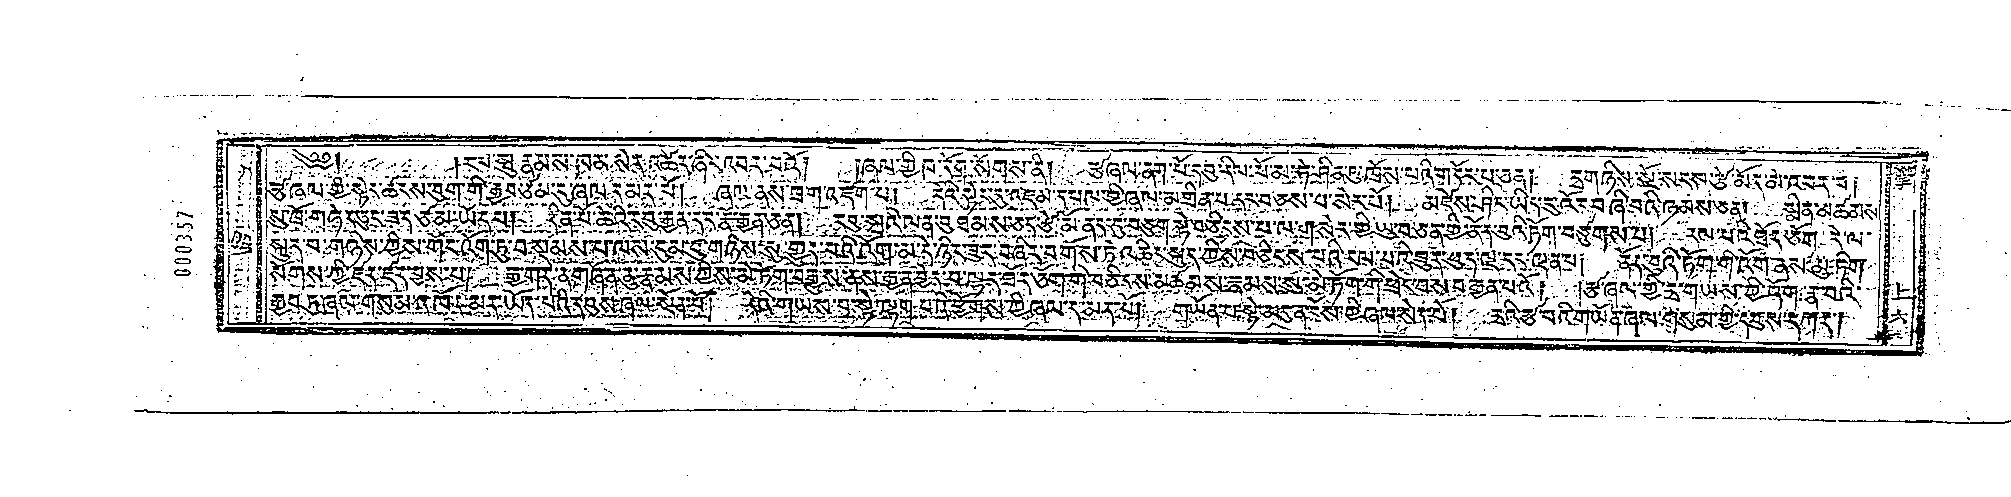༄༅། །རབ་སྤུ་རྣམས་ཁམ་སེར་འཚེར་ཞིང་འབར་བའོ། །ཞལ་གྱི་ཁ་དོག་སོགས་ནི། རྩ་ཞལ་ནག་པོ་དབུ་རིལ་པོ་མ་ཧེ་ཤིན་ཏུ་ཁྲོས་པའི་གདོང་པ་ཅན། རྭ་གཉིས་སྔོ་སངས་རྩེ་མོད་མེ་འབར་བ།
རྩ་ཞལ་གྱི་སྟེང་ཚངས་བུག་གི་རྒྱབ་ཙམ་དུ་ཞལ་དམར་པོ། ཞལ་ནས་ཁྲག་འཛག་པ། དེའི་སྟེང་དུ་འཇམ་དཔལ་བྱི་ཞལ་མགྲིན་པ་དང་བཅས་པ་སེར་པོ། མཛེས་ཤིང་ཡིད་དུ་འོང་བ་ཞི་བའི་ཉམས་ཅན། སྨིན་མཚམས་
སུ་ཁྲོ་གཉེར་ཅུང་ཟད་ཙམ་ཡོད་པ། རིན་པོ་ཆེའི་དབུ་རྒྱན་དང་རྣོ་རྒྱན་ཅན། དབུ་སྐྲའི་ལན་བུ་ཐམས་ཅད་རྩེ་མོ་ནང་དུ་བཅུག་སྟེ་བཅིངས་པ་ལ་གསེར་གྱི་ཡུ་བ་ཅན་གྱི་ནོར་བུའི་ཏོག་བཙུགས་པ། རལ་པའི་ཐོར་ཅོག་དེ་ལ་
སྐུར་བ་གཉིས་ཀྱིས་གོང་འོག་ཏུ་བསྡམས་པ་ལས་དུམ་བུ་གཉིས་སུ་གྱུར་བའི་འོག་མ་དེ་ཉིད་ཟུར་བཞིར་བགོས་ཏེ་འཆིང་སྐུད་ཀྱིས་བཅིངས་པའི་རལ་པའི་ཟུར་ཕུང་ལྔ་དང་ལྡན་པ། ནོར་བུའི་ཏོག་གི་འོག་ནས་མུ་ཏིག་
སོགས་ཀྱི་ཛར་ཛར་བྱས་པ། རྒྱ་གར་ན་གཞོན་ནུ་རྣམས་ཀྱིས་མེ་ཏོག་བརྒྱུས་ནས་རྒྱན་བྱེད་པ་ལྷར་ཐོར་ཅོག་གི་བཅིངས་མཚམས་རྣམས་སུ་མེ་ཏོག་གི་ཕྲེང་བས་བརྒྱན་པའོ། །རྩ་ཞལ་གྱི་རྭ་གཡས་ཀྱི་འོག་རྣ་བའི་
རྒྱབ་ཏུ་ཞལ་གསུམ་འཁོར་མར་ཡོད་པའི་དབུས་ཞལ་སྔོན་པོ། དེའི་གཡས་པ་སྟེ་ལྟག་པའི་ཕྱོགས་ཀྱི་ཞལ་དམར་པོ། གཡོན་པ་སྟེ་མདུན་ངོས་ཀྱི་ཞལ་སེར་པོ། རྭའི་རྩ་བའི་གཡོན་ཞལ་གསུམ་གྱི་དབུས་དཀར།